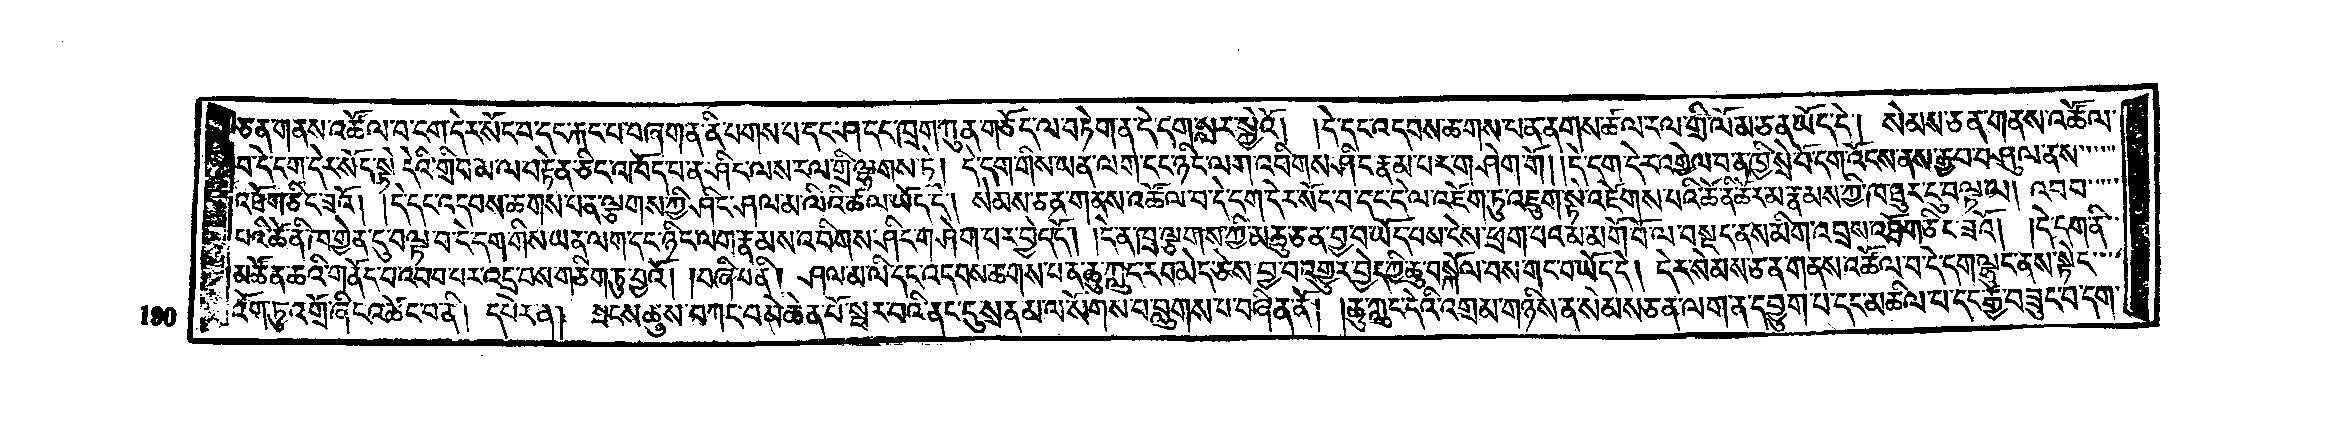ཅན་གནས་འཚོལ་བ་དག་དེར་སོང་བ་དང་རྐང་པ་བཞག་ན་ནི་པགས་པ་དང་ཤ་དང་ཁྲག་ཀུན་གཅོད་ལ་བཏེག་ན་དེ་དག་སླར་སྐྱེའོ། །དེ་དང་འདབས་ཆགས་པ་ན་ནགས་ཚལ་རལ་གྲི་ལོ་མ་ཅན་ཡོད་དེ། སེམས་ཅན་གནས་འཚོལ་
བ་དེ་དག་དེར་སོང་སྟེ་དེའི་གྲིབ་མ་ལ་བརྟེན་ཅིང་འཁོད་བ་ན་ཤིང་ལས་རལ་གྲི་ལྷགས་ཏེ། དེ་དག་གིས་ཡན་ལག་དང་ཉིང་ལག་འབིགས་ཤིང་རྣམ་པར་གཤེག་གོ། །དེ་དག་དེར་འགྱེལ་བ་ན་ཁྱི་སྲེ་བོ་དག་འོངས་ནས་རྒྱབ་བཤུལ་ནས་
འཐོག་ཅིང་ཟའོ། །དེ་དང་འདབས་ཆགས་པ་ན་ལྕགས་ཀྱི་ཤིང་ཤལ་མ་ལིའི་ཚལ་ཡོད་དེ། སེམས་ཅན་གནས་འཚོལ་བ་དེ་དག་དེར་སོང་པ་དང་དེ་ལ་འཛེག་ཏུ་འཇུག་སྟེ་འཛེགས་པའི་ཚེ་ནི་ཚེར་མ་རྣམས་ཀྱི་ཁ་ཐུར་དུ་བལྟ་ལ། འབབ་
པའི་ཚེ་ནི་ཁ་གྱེན་དུ་བལྟ་བ་དེ་དག་གིས་ཡན་ལག་དང་ཉིང་ལག་རྣམས་འབིགས་ཤིང་གཤེག་པར་བྱེད་དོ། །དེ་ན་ཁྭ་ལྕགས་ཀྱི་མཆུ་ཅན་བྱ་བ་ཡོད་པས་ངེས་ཕྲག་པའམ་མགོ་བོ་ལ་བསྡད་ནས་མིག་འབྲས་འཐོག་ཅིང་ཟའོ། །དེ་དག་ནི་
མཚོན་ཆའི་གནོད་པ་འབབ་པར་འདྲ་བས་གཅིག་ཏུ་བྱའོ། །བཞི་པ་ནི། ཤལ་མ་ལི་དང་འདབས་ཆགས་པ་ན་ཆུ་ཀླུང་རབ་མེད་ཅེས་བྱ་བ་འགྱུར་བྱེད་ཀྱི་ཆུ་བསྐོལ་བས་གང་བ་ཡོད་དེ། དེར་སེམས་ཅན་གནས་འཚོལ་བ་དེ་དག་ལྷུང་ནས་སྟེང་
འོག་ཏུ་འགྲོ་ཞིང་འཚེད་པ་ནི། དཔེར་ན། ཟངས་ཆུས་བཀང་ཕ་མེ་ཆེན་པོ་སྤར་བའི་ནང་དུ་སྲན་མ་ལ་སོགས་པ་བླུགས་པ་བཞིན་ནོ། །ཆུ་ཀླུང་དེའི་འགྲམ་གཉིས་ན་སེམས་ཅན་ལག་ན་དབྱུག་པ་དང་མཆིལ་པ་དང་རྒྱ་བཟུང་བ་དག་